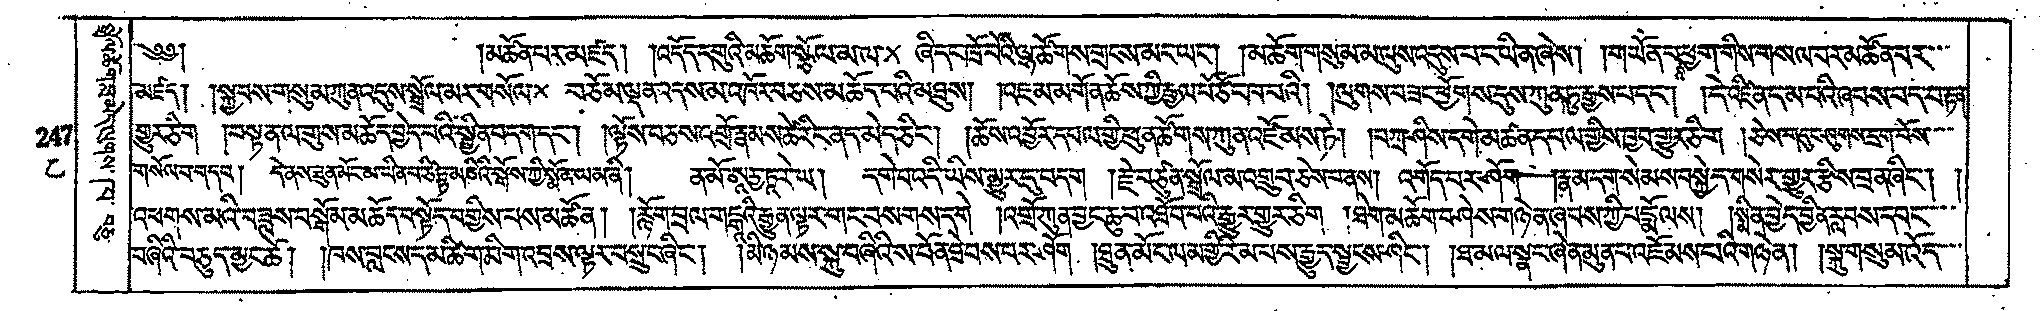༄༅། །མཚོན་པར་མཛད། །འདོད་དགུའི་མཆོག་སྩོལ་མ་ལ་྾་ཞི་དང་ཁྲོ་བོའི་ལྷ་ཚོགས་གྲངས་མང་ཡང་། །མཆོག་གསུམ་མ་ལུས་འདུས་པ་ང་ཡིན་ཞེས། །གཡོན་པཱ་ཕྱག་གིས་གསལ་བར་མཚོན་པར་་་
མཛད། །སྐྱབས་གསུམ་ཀུན་འདུས་སྒྲོལ་མར་གསོལ་྾་བཅོམ་ལྡན་འདས་མ་འཁོར་བཅས་མཆོད་པའི་མཐུས། །འཇམ་མགོན་ཆོས་ཀྱི་རྒྱལ་པོ་ཙོང་ཁ་པའི། །ལུགས་བཟང་ཕྱོགས་དུས་ཀུན་ཏུ་རྒྱས་པ་དང་། །དེ་འཛིན་དམ་པའི་ཞབས་པད་བརྟན་
གྱུར་ཅིག །བསྟན་ལ་གུས་མཆོད་བྱེད་པའི་སྦྱིན་བདག་དང་། །ལྟོས་བཅས་འགྲོ་རྣམས་ཚེ་རིང་ནད་མེད་ཅིང་།  །ཆོས་འབྱོར་དཔལ་གྱི་ཕུན་ཚོགས་ཀུན་འཛོམས་ཏེ། །བཀྲ་ཤིས་དགེ་མཚན་དཔལ་གྱིས་ཁྱབ་གྱུར་ཅིག །ཅེས་གདུང་ཤུགས་དྲག་པོས་་་
གསོལ་བ་གདབ། དེ་ནས་ཐུན་མོང་མ་ཡིན་པ་ཙིཏཏ་མཎིའི་སོགས་ཀྱི་སྨོན་ལམ་ནི། ན་མོ་ཨཱརྱ་ཏཱ་རེ་ཡ། དགེ་བ་འདི་ཡིས་མྱུར་དུ་བདག །རྗེ་བཙུན་སྒྲོལ་མ་འགྲུབ་ཅེས་པ་ནས། འགོད་པར་ཤོག །རྣམས་དག་སེམས་བསྐྱེད་གསེར་གྱུར་རྩིས་བྲན་ཞིང་། །
འཕགས་མའི་བཟླས་བསྒོམ་མཆོད་བསྟོད་བགྱིས་པས་མཚོན། །རྙོག་བྲལ་གངྒའི་རྒྱུན་ལྟར་གང་བསགས་དགེ །འགྲོ་ཀུན་བྱང་ཆུབ་འཐོབ་པའི་རྒྱུར་གྱུར་ཅིག །ཐེག་མཆོག་བཤེས་གཉེན་ཞབས་ཀྱི་པདམོ་ལས། །སྨིན་བྱེད་བྱིན་རླབས་དབང་་་
བཞིའི་བཅུད་མྱང་ཚེ། །ཁས་བླངས་དམ་ཚིག་མིག་འབྲས་ལྟར་བསྲུང་ཞིང་། །མི་ཉམས་སྐུ་བཞིའི་ས་བོན་ཐེབས་པར་ཤོག །ཐུན་མོང་ལམ་གྱི་རིམ་པས་རྒྱུད་སྦྱངས་ཤིང་། །ཐ་མལ་སྣང་ཞེན་མུན་པ་འཇོམས་པའི་གཉེན། །སྐུ་གསུམ་འོད་་་